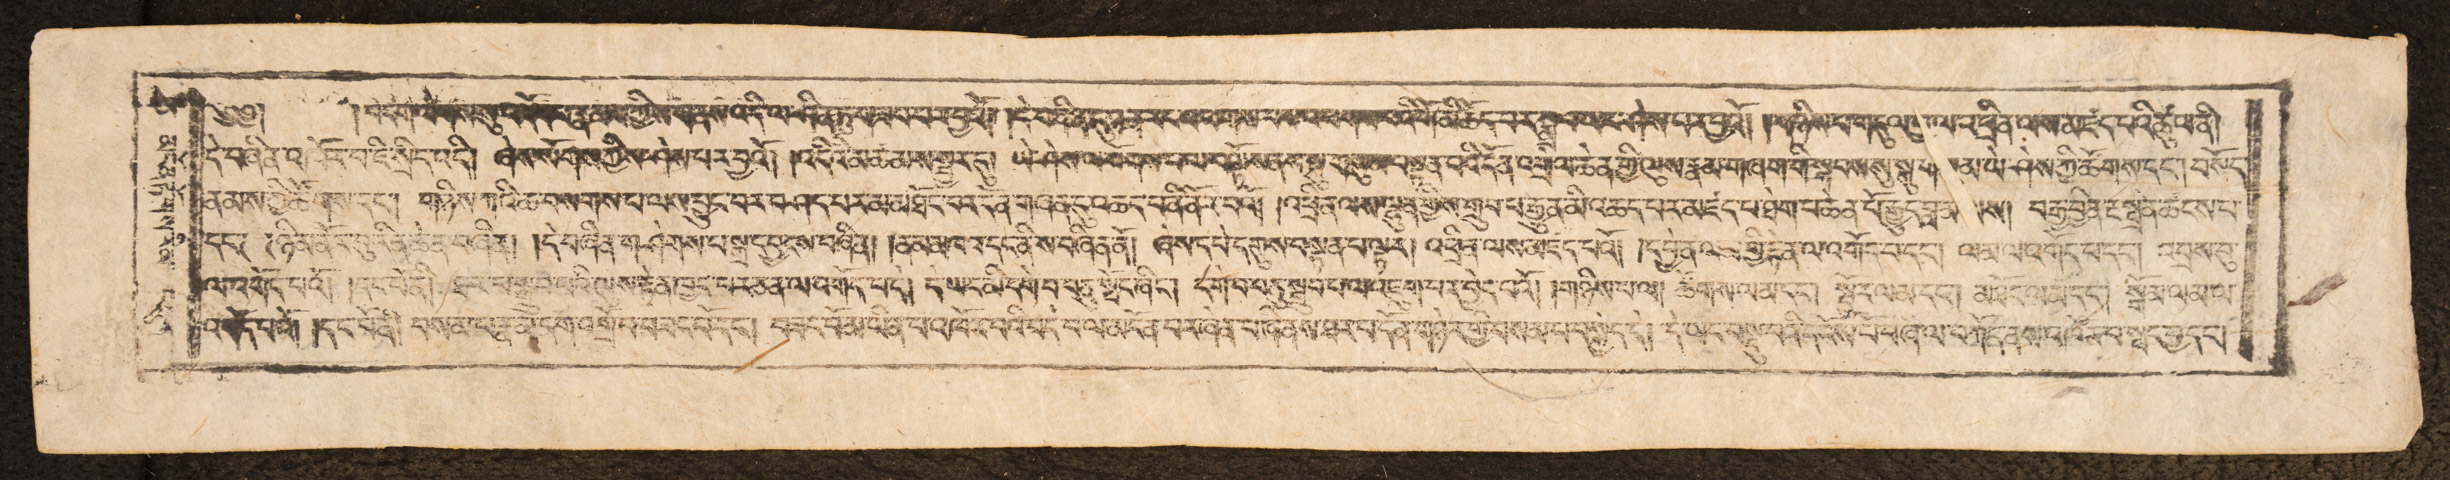༄༅། །བདག་ལེགས་སུ་འདོད་པ་རྣམས་ཀྱིས་གནས་འདི་ལ་ཤིན་ཏུ་གཟབ་པར་བྱའོ། །དེ་བཞིན་དུ་ཉན་རང་འཕགས་པས་འཕགས་པའི་གོ་མི་ཆོད་པར་སྨྲ་བ་ཡང་ཤེས་པར་བྱའོ། །གཉིས་པ་གདུལ་བྱ་ལ་འཕྲིན་ལས་མཛད་པའི་ཚུལ་ནི།
དེ་བཞིན་འཁོར་བ་ཇི་སྲིད་འདི། ཞེས་སོགས་ཀྱིས་ཤེས་པར་བྱའོ། །འདིའི་མཚམས་སྦྱར་དུ། ཡེ་ཤེས་ལ་སོགས་པ་ལ་བལྟོས་ནས་སྐུ་གསུམ་བསྟན་པའི་དོན་འགྲེལ་ཆེན་གྱི་ལུས་རྣམ་གཞག་གི་སྐབས་སུ་སྐུ་གསུམ་ཡེ་ཤེས་ཀྱི་ཚོགས་དང་། བསོད་
ནམས་ཀྱི་ཚོགས་དང་། གཉིས་ཀའི་ཆ་བསགས་པ་ལས་བྱུང་བར་བཤད་པར་མ་མཐོང་བར་དོན་གཞན་དུ་འཆད་པ་ནི་ནོར་བའོ། །འཕྲིན་ལས་ལྷུན་གྱིས་གྲུབ་པ་རྒྱུན་མི་འཆད་པར་མཛད་པ་ཐེག་པ་ཆེན་པོ་རྒྱུད་བླ་མ་ལས། བརྒྱ་བྱིན་རྔ་སྤྲིན་ཚངས་པ་
དང་། །ཉི་མ་ནོར་བུ་རིན་ཆེན་བཞིན། །དེ་བཞིན་གཤེགས་པ་སྒྲ་དབྱངས་བཞིན། །ནམ་མཁའ་དང་ནི་ས་བཞིན་ནོ། ཞེས་དཔེ་དགུས་བསྟན་པ་ལྟར། འཕྲིན་ལས་མཛད་པའོ། །དབྱེ་ན་ལམ་གྱི་རྟེན་ལ་འགོད་པ་དང་། ལམ་ལ་འགོད་པ་དང་། འབྲས་བུ་
ལ་འགོད་པའོ། །དང་པོ་ནི། ཐར་པ་སྒྲུབ་པའི་ལུས་རྟེན་ཁྱད་པར་ཅན་ལ་འགོད་པ་དེ། དེ་ཡང་མི་དགེ་བ་བཅུ་སྤོང་ཞིང་། དགེ་བ་བཅུ་སྒྲུབ་པ་ལ་འཇུག་པར་བྱེད་པའོ། །གཉིས་པ་ལ། ཚོགས་ལམ་དང་། སྦྱོར་ལམ་དང་། མཐོང་ལམ་དང་། སྒོམ་ལམ་ལ་
འགོད་པའོ། །དང་པོ་ནི། བསམ་པ་རྣམ་དག་འགྲོ་བ་བཟང་པོ་དང་། བཟང་པོ་མ་ཡིན་པ་འཁོར་བའི་བདེ་བ་ལ་མངོན་པར་ཞེན་པ་ཞི་ནས་ཐར་པ་དོན་གཉེར་གྱི་བསམ་པ་བསྐྱེད་དེ། དེ་ཡང་བསྡུ་བའི་དངོས་པོ་བཞི་ལ་བཀོད་ནས་འཁོར་བ་སྤང་བྱ་དང་།